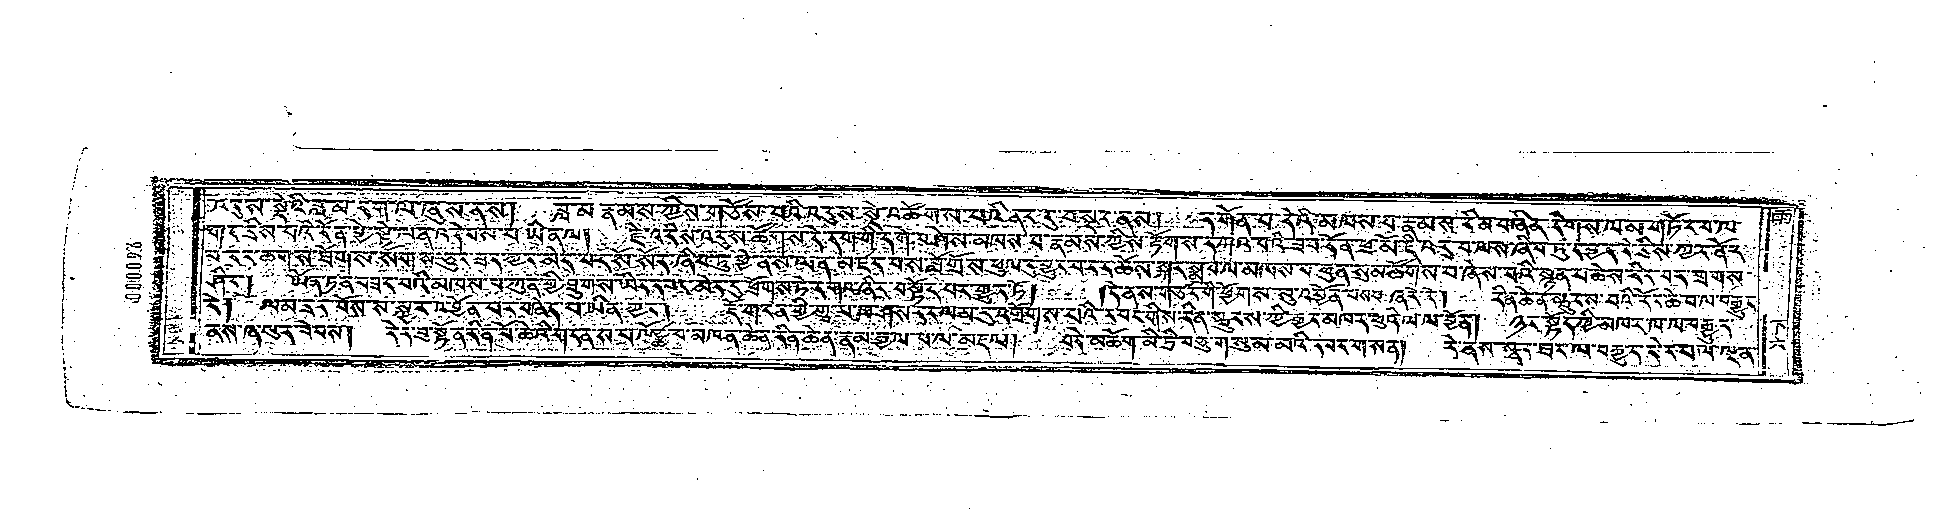འདུས་སྡེའི་བླ་མ་དག་ལ་ཞུས་ནས། བླ་མ་རྣམས་ཀྱིས་གཙོས་པའི་འདུས་སྡེ་འཚོགས་པའི་ནང་དུ་བསྡད་ནས། དགོན་པ་དེའི་མཁས་པ་རྣམས་རིམ་བཞིན་རིགས་ལམ་གཏོང་བ་ལ་
གང་དྲིས་པའི་དོན་ཕྱེ་སྟེ་ལན་འདེབས་པ་ཡིན་ལ། རྗེ་འདིས་འདུས་ཚོགས་དེ་དག་གི་དགེ་བཤེས་མཁས་བ་རྣམས་ཀྱིས་རྟོགས་དཀའ་བའི་ཟབ་དོན་ཕྲ་མོ་ཇི་འདྲ་བ་ལས་ཞིབ་ཏུ་དཔྱད་དེ་དྲིས་ཀྱང་ནོར་
བ་དང་ཆགས་ཐོགས་སོགས་ཅུང་ཟད་ཀྱང་མེད་པར་སོ་སོར་ཞིབ་ཏུ་ཕྱེ་ནས་ལན་མཛད་པས་བློ་གྲོས་ཕུལ་དུ་བྱུང་བ་དང་ཆོས་སྐད་སྨྲ་བ་ལ་མཁས་བ་ཕུན་སུམ་ཚོགས་བ་ཞེས་པའི་སྙན་པ་ཆེས་རིང་བར་གྲགས་
ཤིང་། ཡོན་ཏན་བཟང་བའི་མཁས་པ་ཀུན་གྱི་ཐུགས་ཡིད་དབང་མེད་དུ་ཕྲོགས་ཏེ་དགའ་ཞིང་བསྟོད་པར་གྱུར་ཏོ། །དེ་ནས་གཙང་གི་ཕྱོགས་སུ་འབྱོན་པས་བཞེད་དེ། རིན་ཆེན་སྤུངས་བའི་རོང་ཆེ་བ་ལ་བརྒྱུད་
དེ། ལམ་དྲང་བོས་ས་སྐྱར་འབྱོན་བར་བཞེད་བ་ཡིན་ཀྱང་། རྡོ་གདན་གྱི་གྲྭ་པ་ཁ་ཤས་དང་ལམ་དུ་འགྲོགས་པའི་དབང་གིས་རིན་སྤུངས་ཀྱི་རྒྱད་མཁར་ཕུའི་ལ་ལ་བྱོན། ཉང་སྟོད་ཀྱི་མཁར་ལ་ལ་བརྒྱུད་
ནས་ཞ་ལུར་བེབས། དེར་བུ་སྟོན་རིན་པོ་ཆེའི་གདན་ས་པ་ལོཙྪ་བ་མཁན་ཆེན་རིན་ཆེན་རྣམ་རྒྱལ་པ་ལ་མཇལ། བདེ་མཆོག་མི་ཏྲི་བཅུ་གསུམ་མའི་དབང་གསན། དེ་ནས་སྣར་ཐང་ལ་བརྒྱུད་དེ་དཔལ་ལྡན་